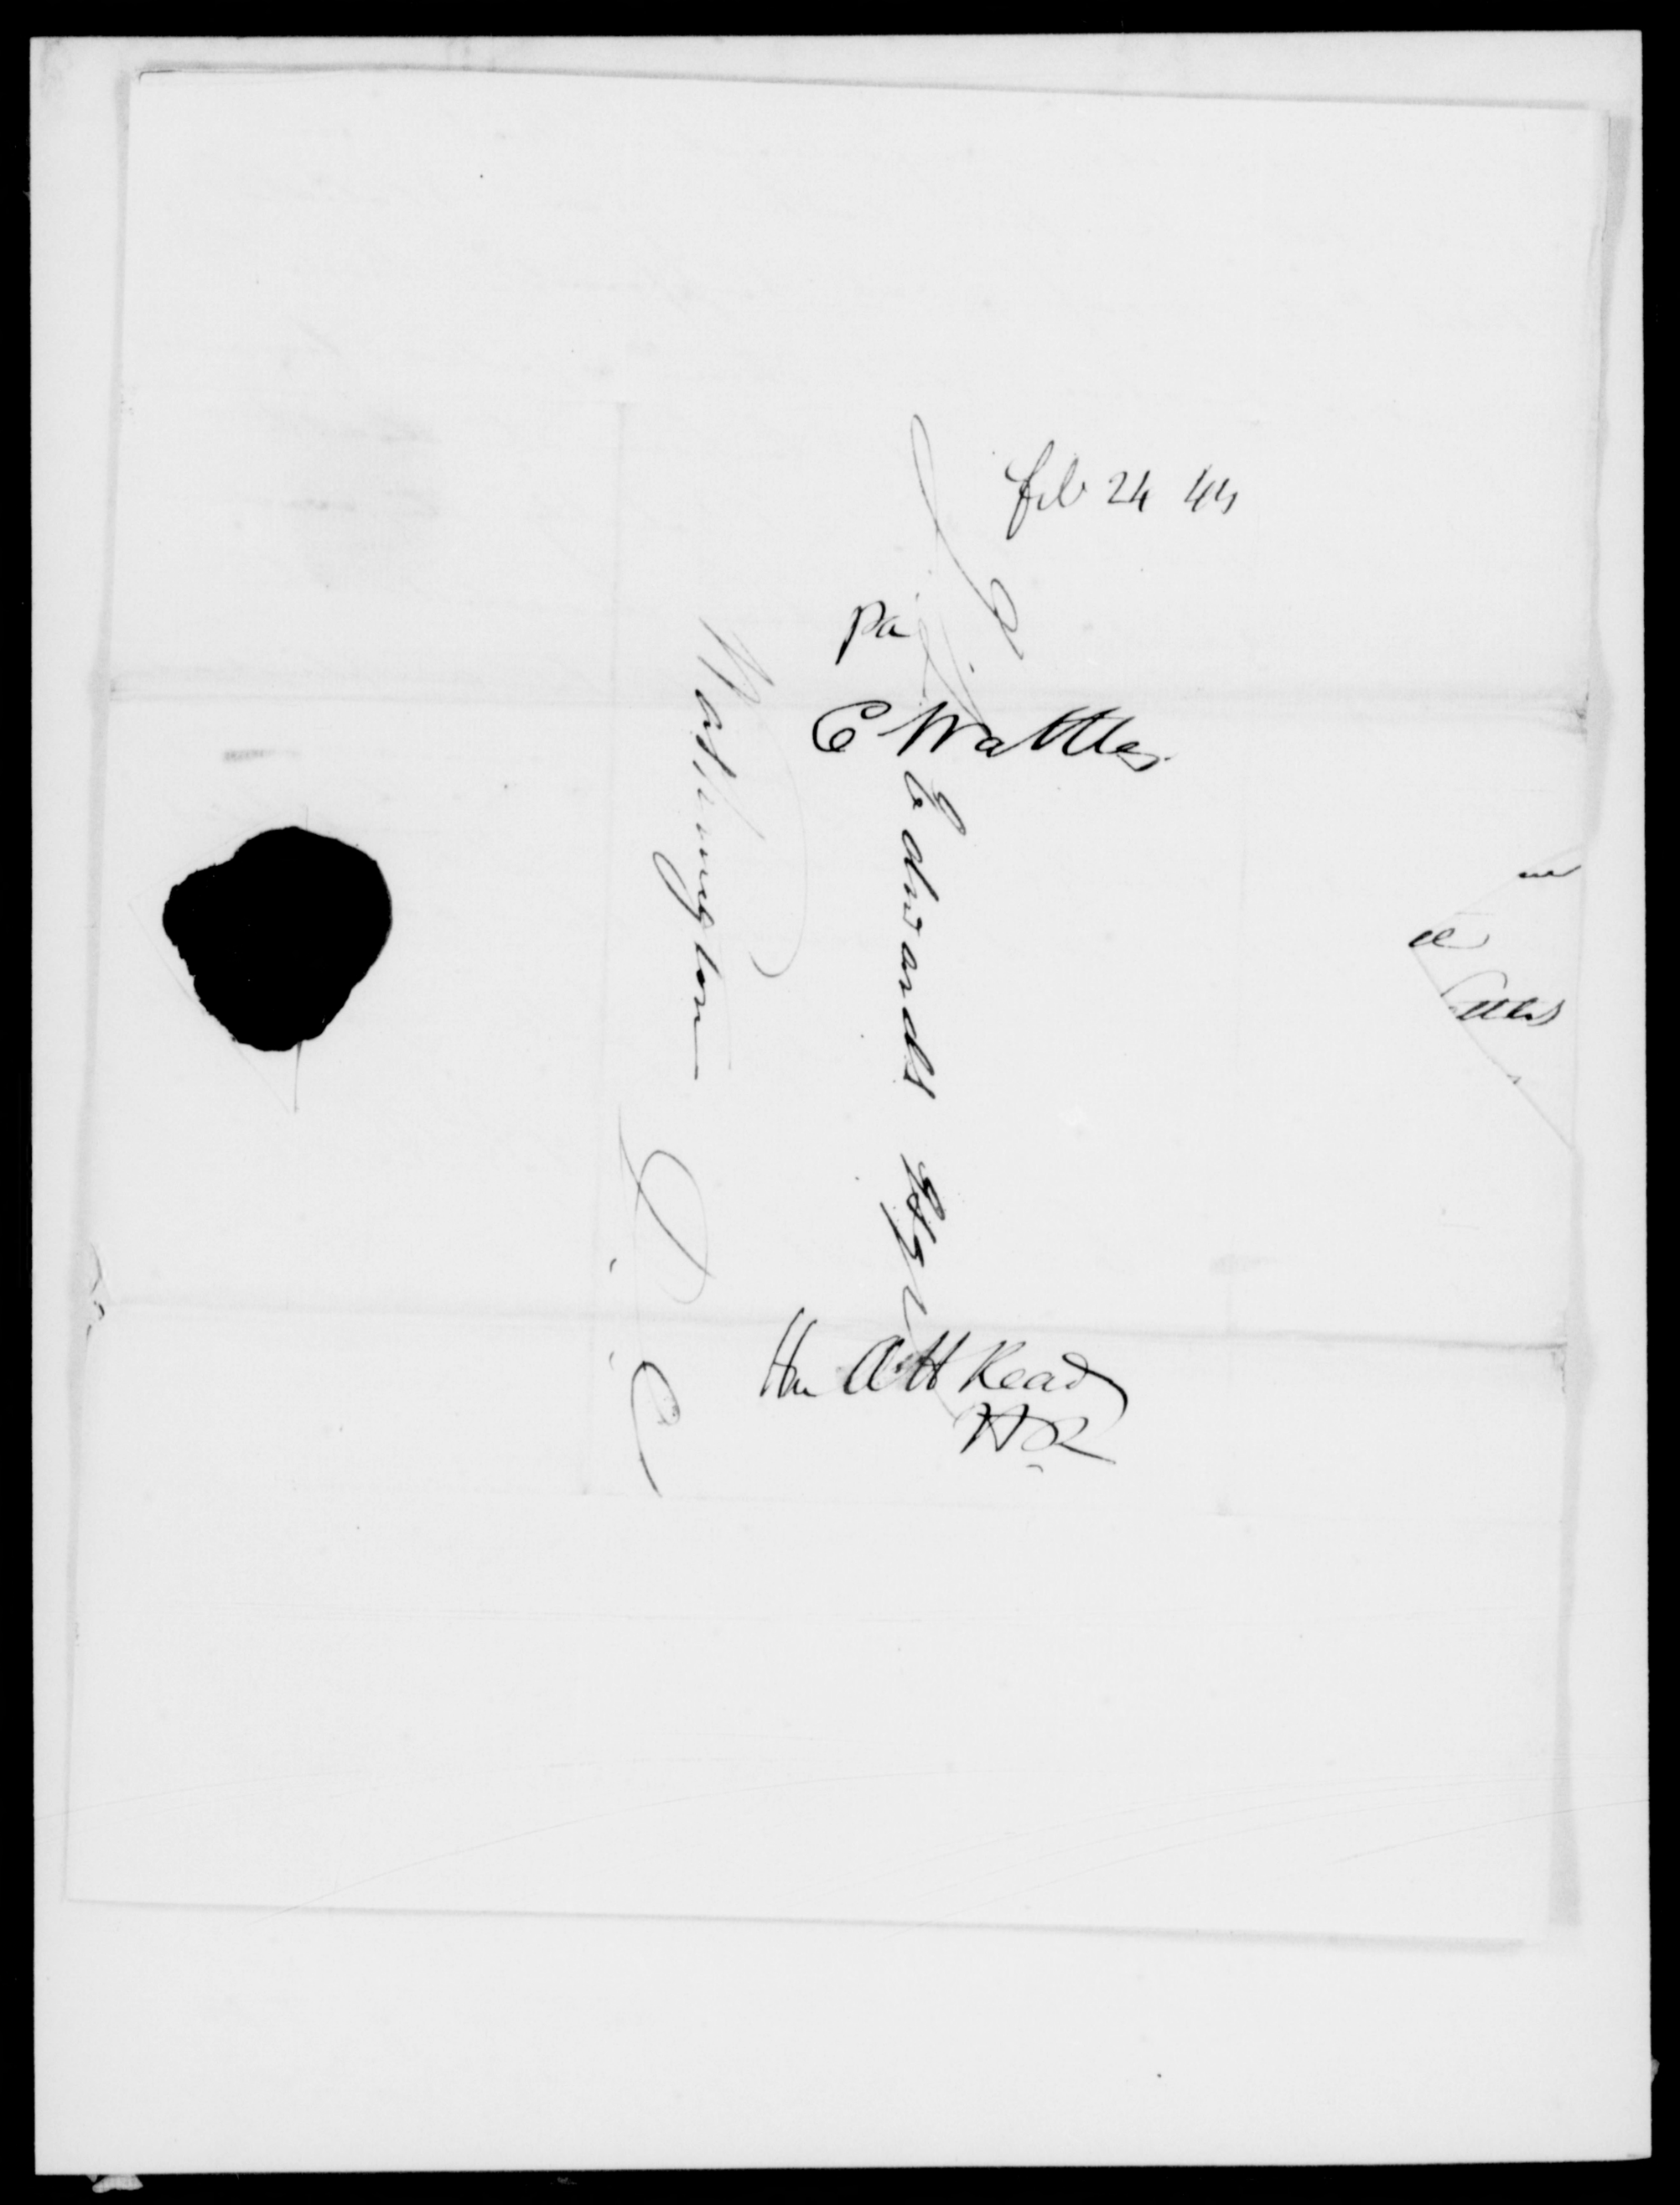Feb 24 44
Pa
C Wattles

Hon. A H. Read
HR

J. L. Edwards
Washington D. C.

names: A H Read, J L Edwards, C Wattles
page: 33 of 70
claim: widow's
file: W. 3743, Dan Wattles, Conn.